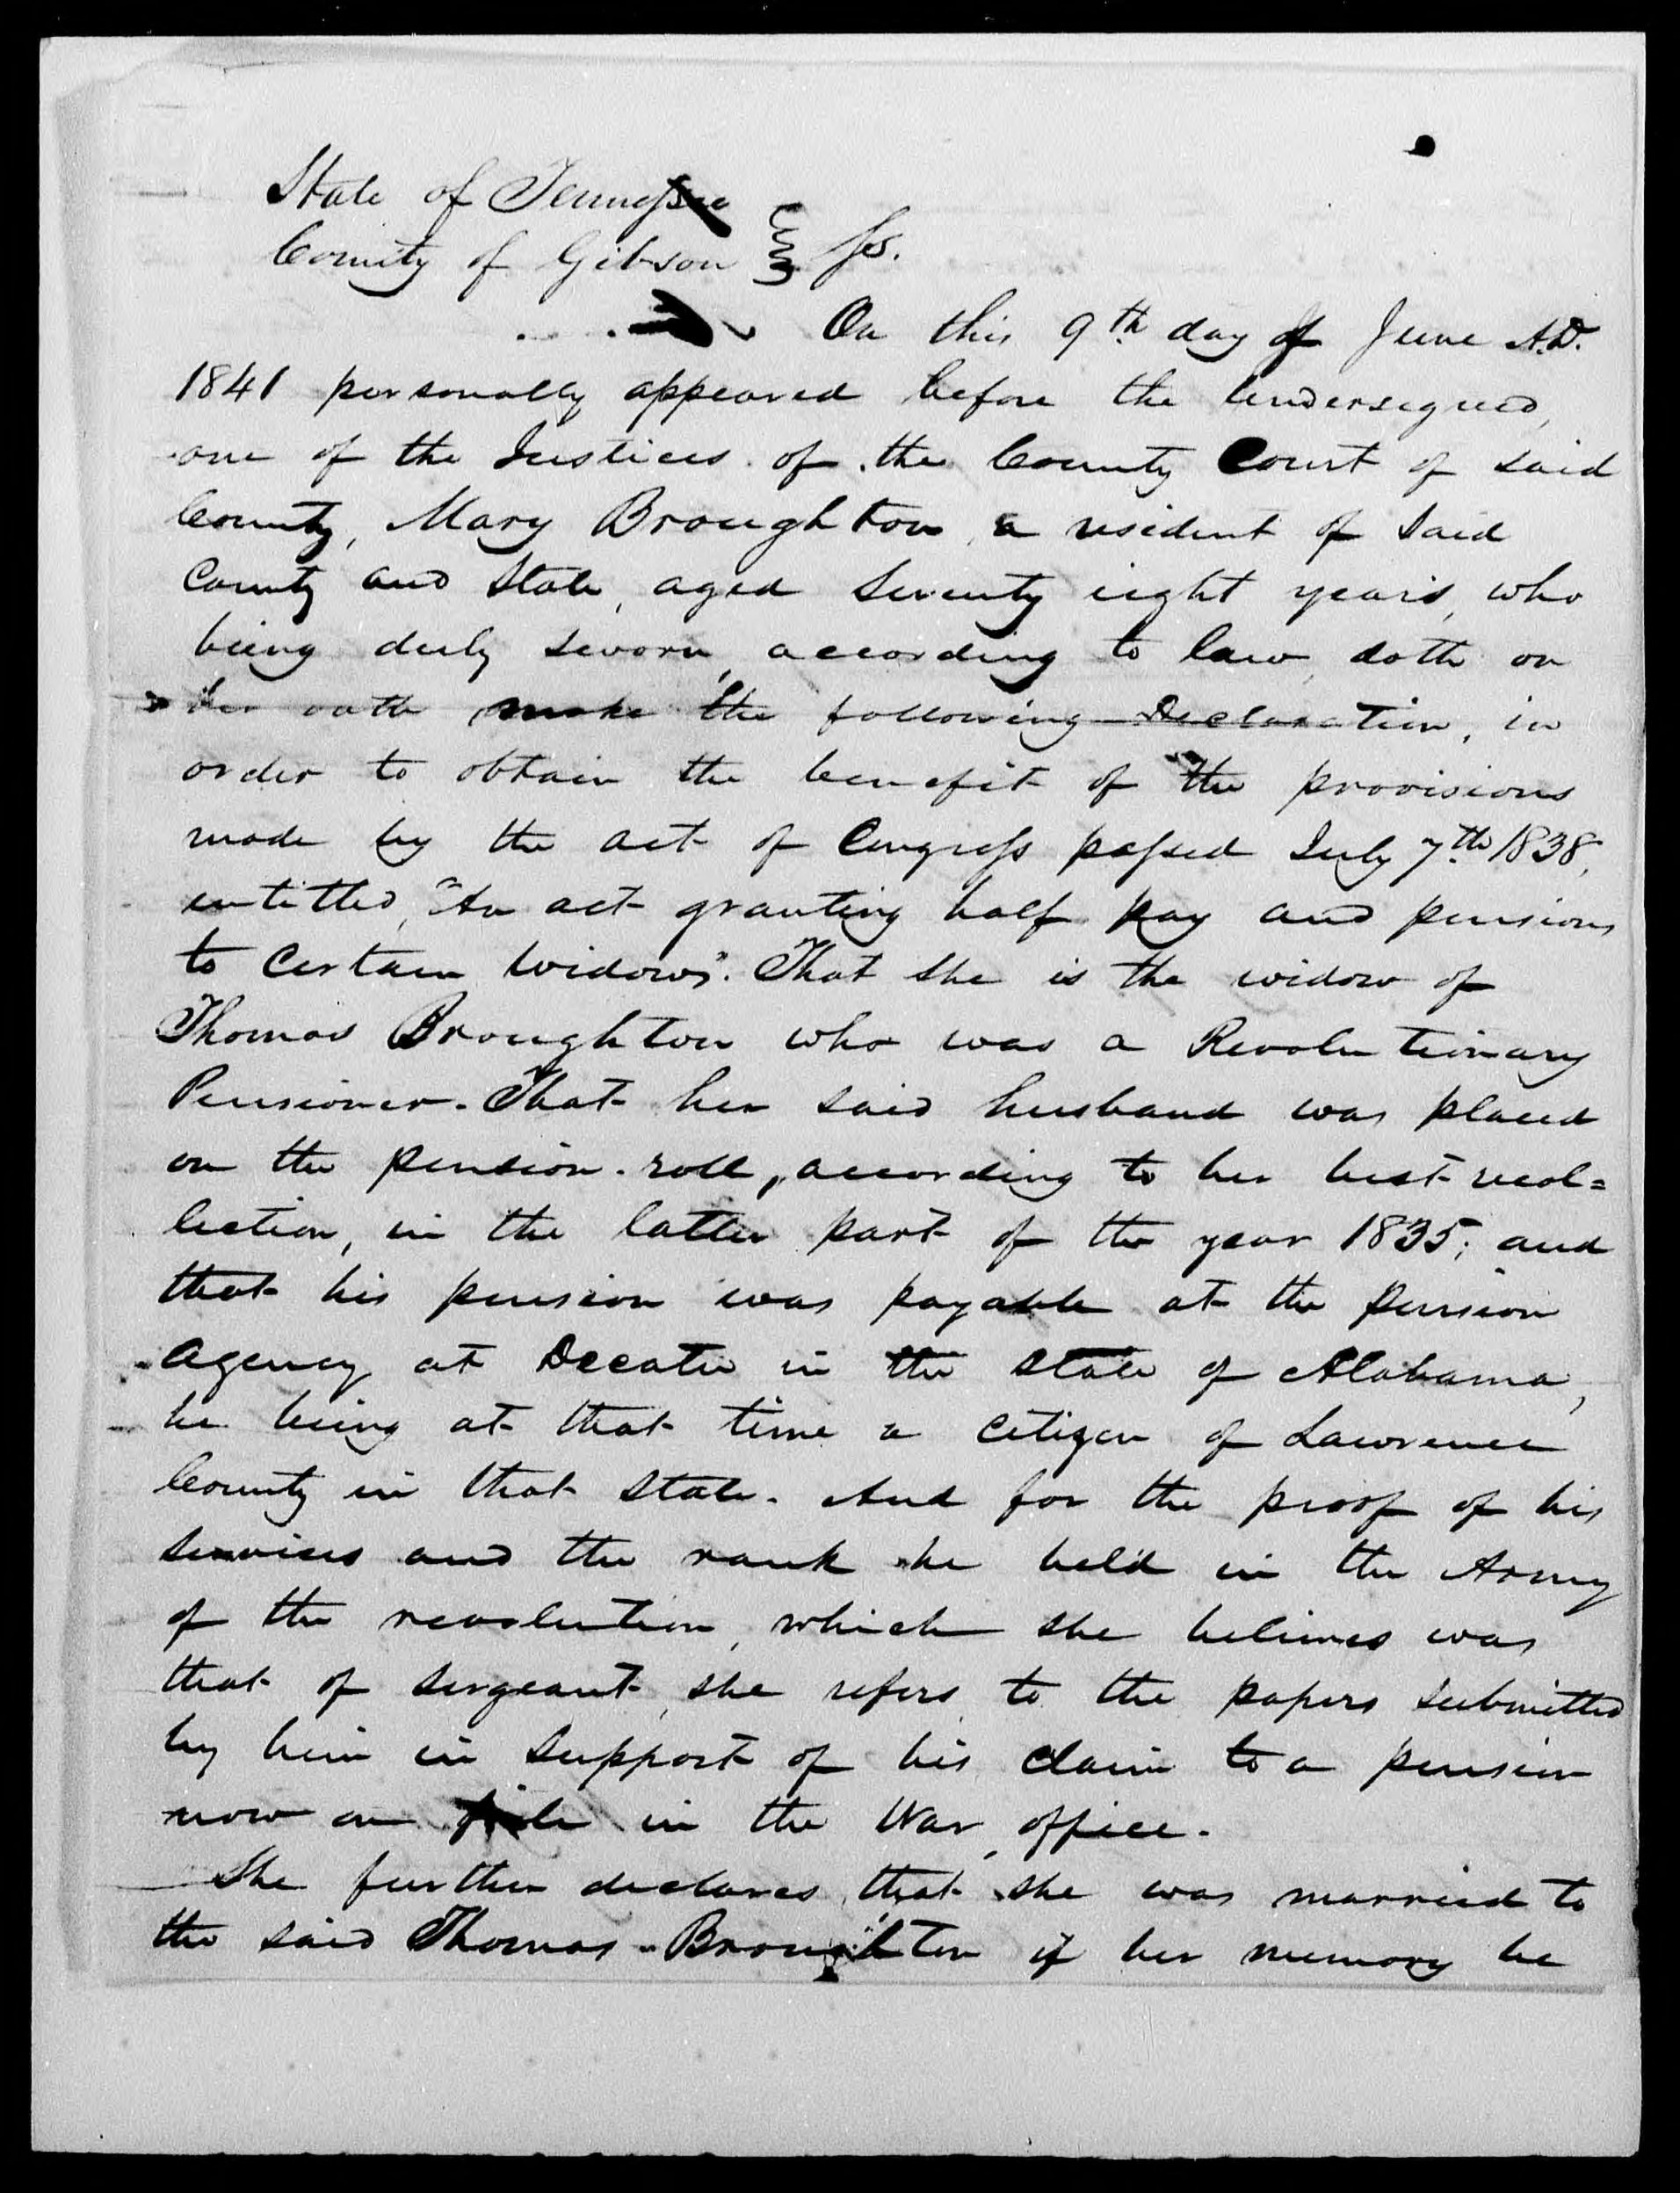State of Tennessee
County of Gibson ⎬ ss.
On this 9th day of June A.D.
1841 personally appeared before the undersigned one of the Justices of the County Court of said County, Mary Broughton a resident of said
County and State, aged Seventy eight years, who being duly sworn according to law doth on her oath make the following declaration, in
order to obtain the benefit of the provisions made by the act of Congress passed July 7th 1838,
entitled "An act granting half pay and pensions to certain widows." That she is the widow of Thomas Broughton who was a Revolutionary Pensioner. That her said husband was placed
on the pension roll, according to her best recollection in the latter part of
the year 1835, and that his pension was payable at the pension
Agency at Decatur in the State of Alabama he being at that time a citizen of Lawrence County in that state. And for the proof of his
services and the rank he held in the Army of the revolution, which she believes was that of Sergeant she refers to the papers submitted
by him  in support of his claim to a pension now on file in the War office
she further declares that she was married to the said Thomas Broughton if her memory be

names: Mary Broughton, Thomas Broughton, Thomas Broughton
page: 15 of 72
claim: widow's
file: W. 897, Thomas Broughton, S.C.